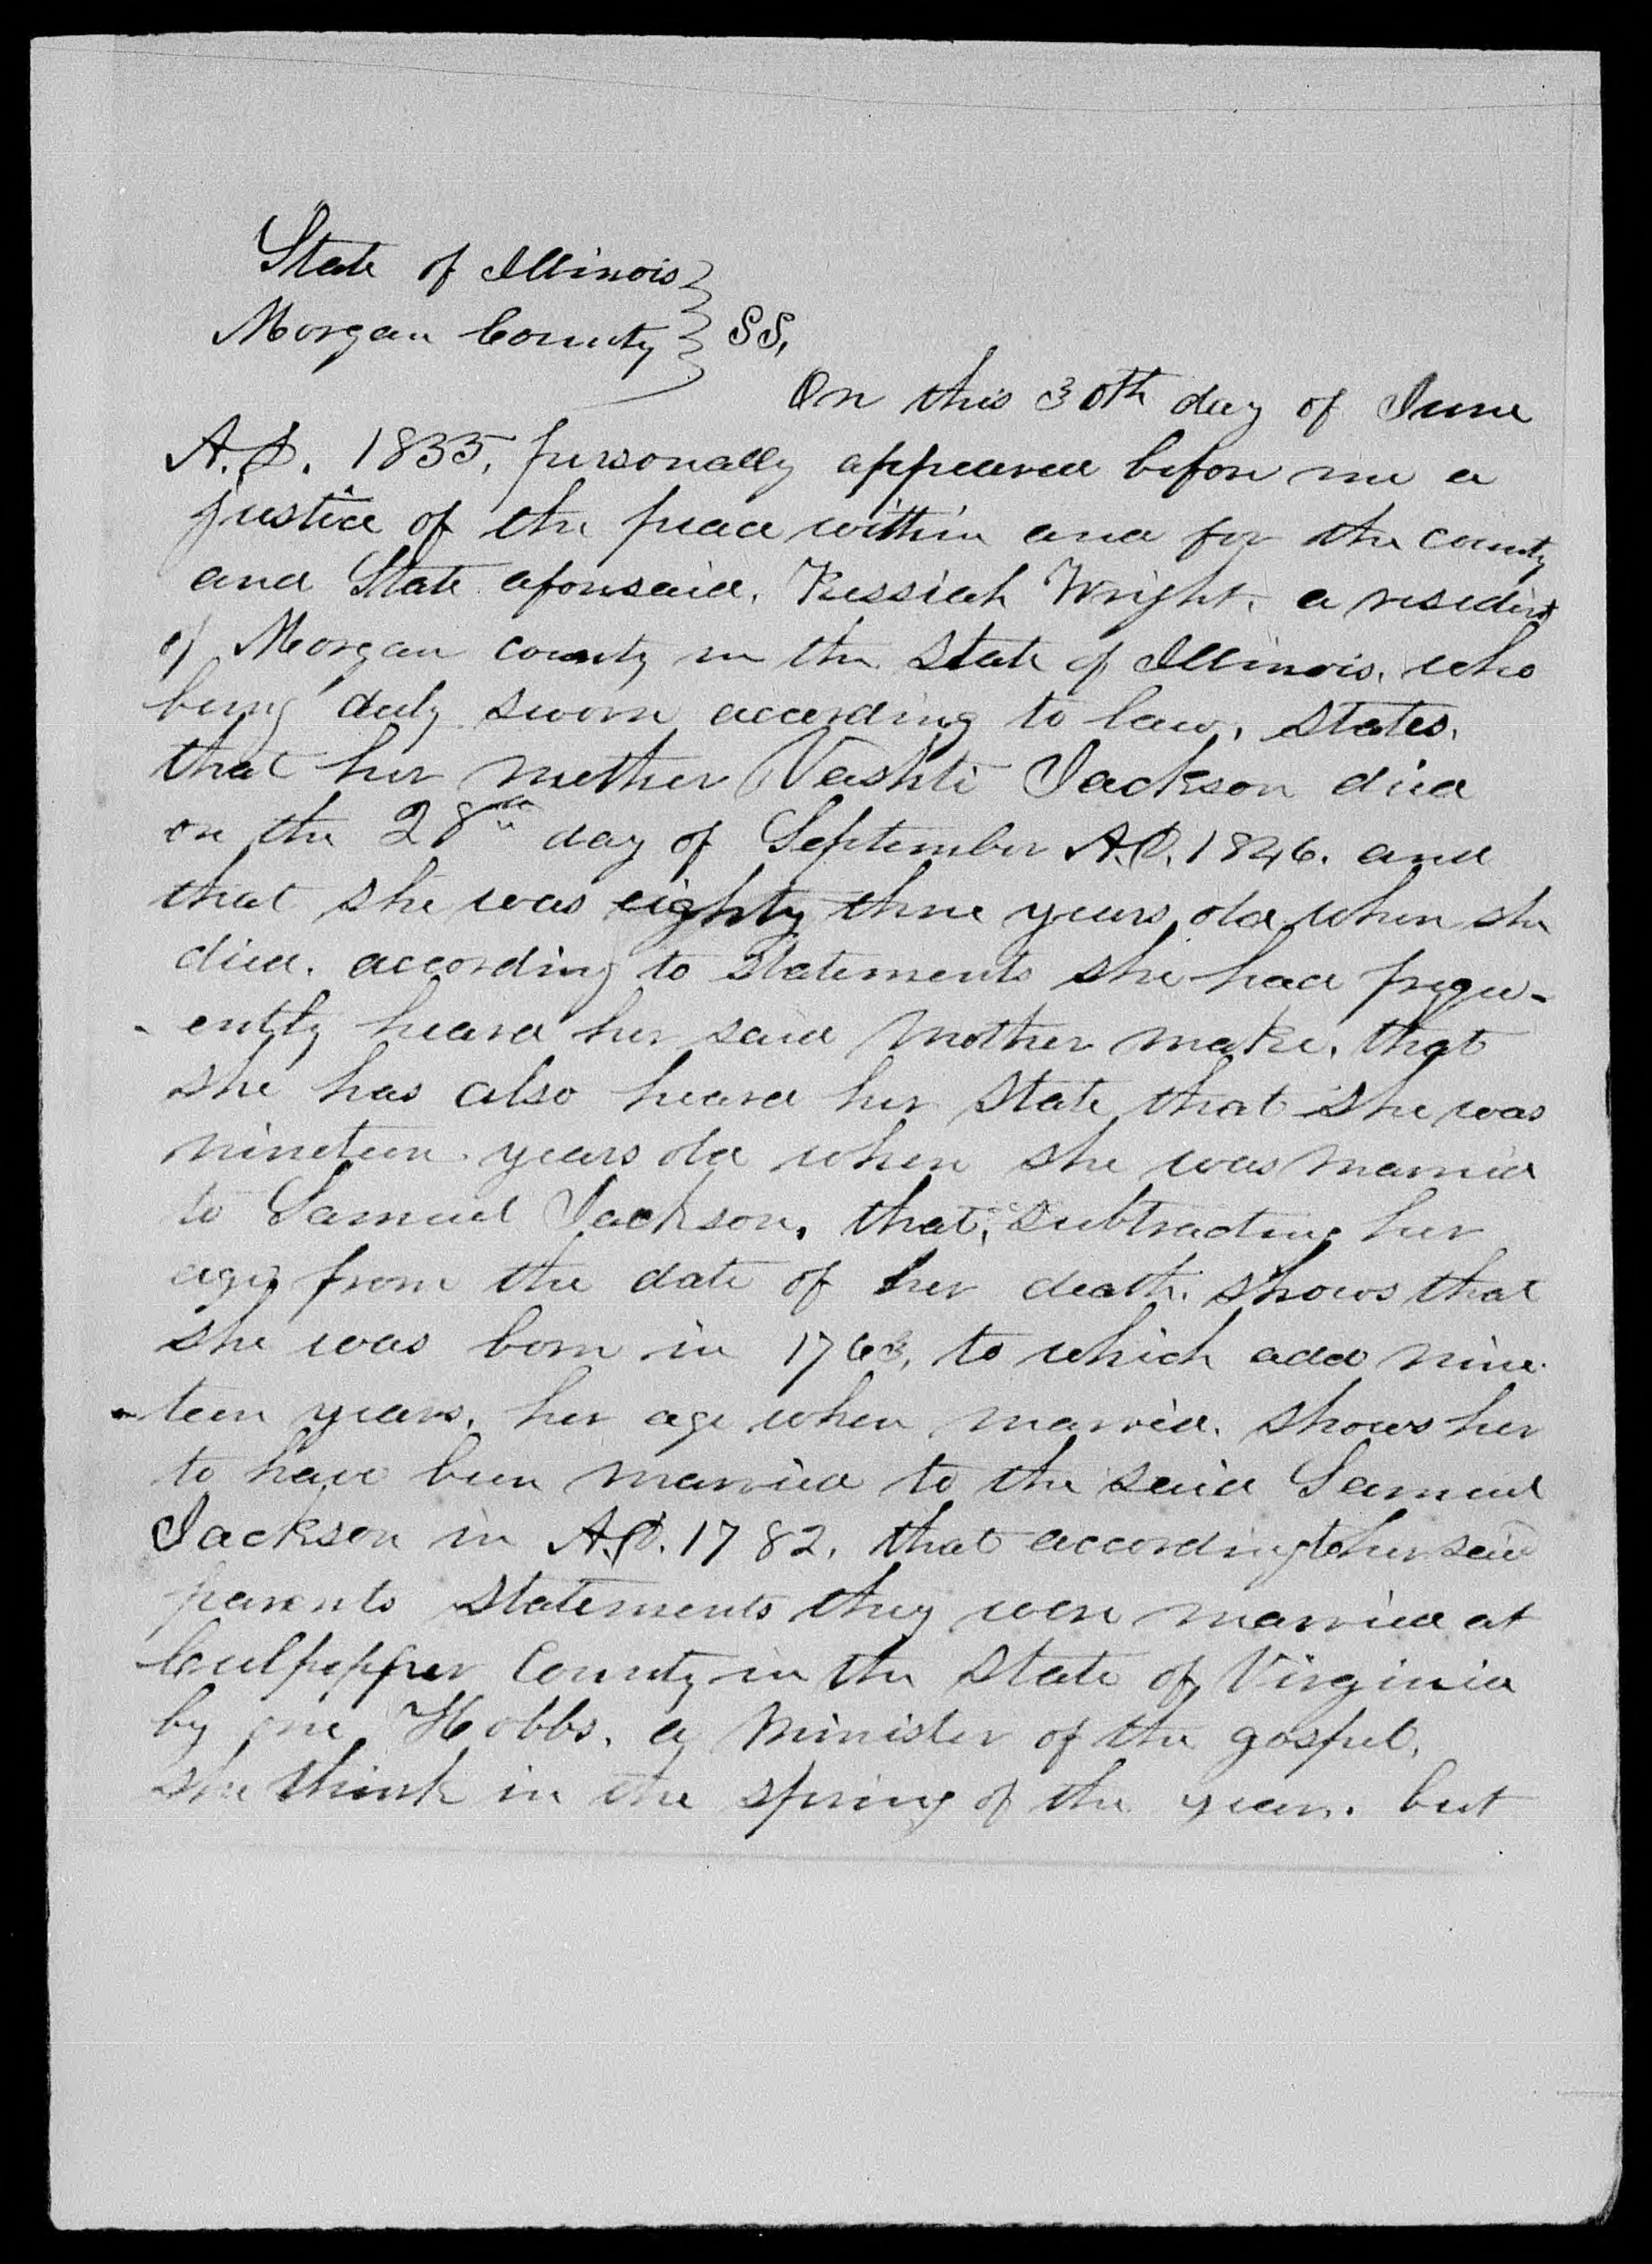State of Illinois
Morgan County ⎬ SS.
On this 30th day of June
A.D. 1835, personally appeared before me a
justice of the peace within and for the County
and State aforesaid, Kessiah Wright a resident
of Morgan County in the State of Illinois, who
being duly sworn according to law states
that her mother Vashti Jackson died
on the 28th day of September A.D.1846. and
that she was eighty three years old when she
died, according to Statements she had frequently
heard her said mother make, that
she has also heard her state that she was
nineteen years old when she was married
to Samuel Jackson, that subtracting her
age from the date of her death shows that
she was born in 1763, to which add nineteen
years, her age when married, shows her
to have been married to the said Samuel
Jackson in A.D. 1782, that according to her said
parents statements they were married at
Culpepper County in the State of Virginia
by one Hobbs, a minister of the gospel
she think in the spring of the year, but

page: 16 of 56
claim: rejected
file: R 5529, for Samuel Jackson, Virginia